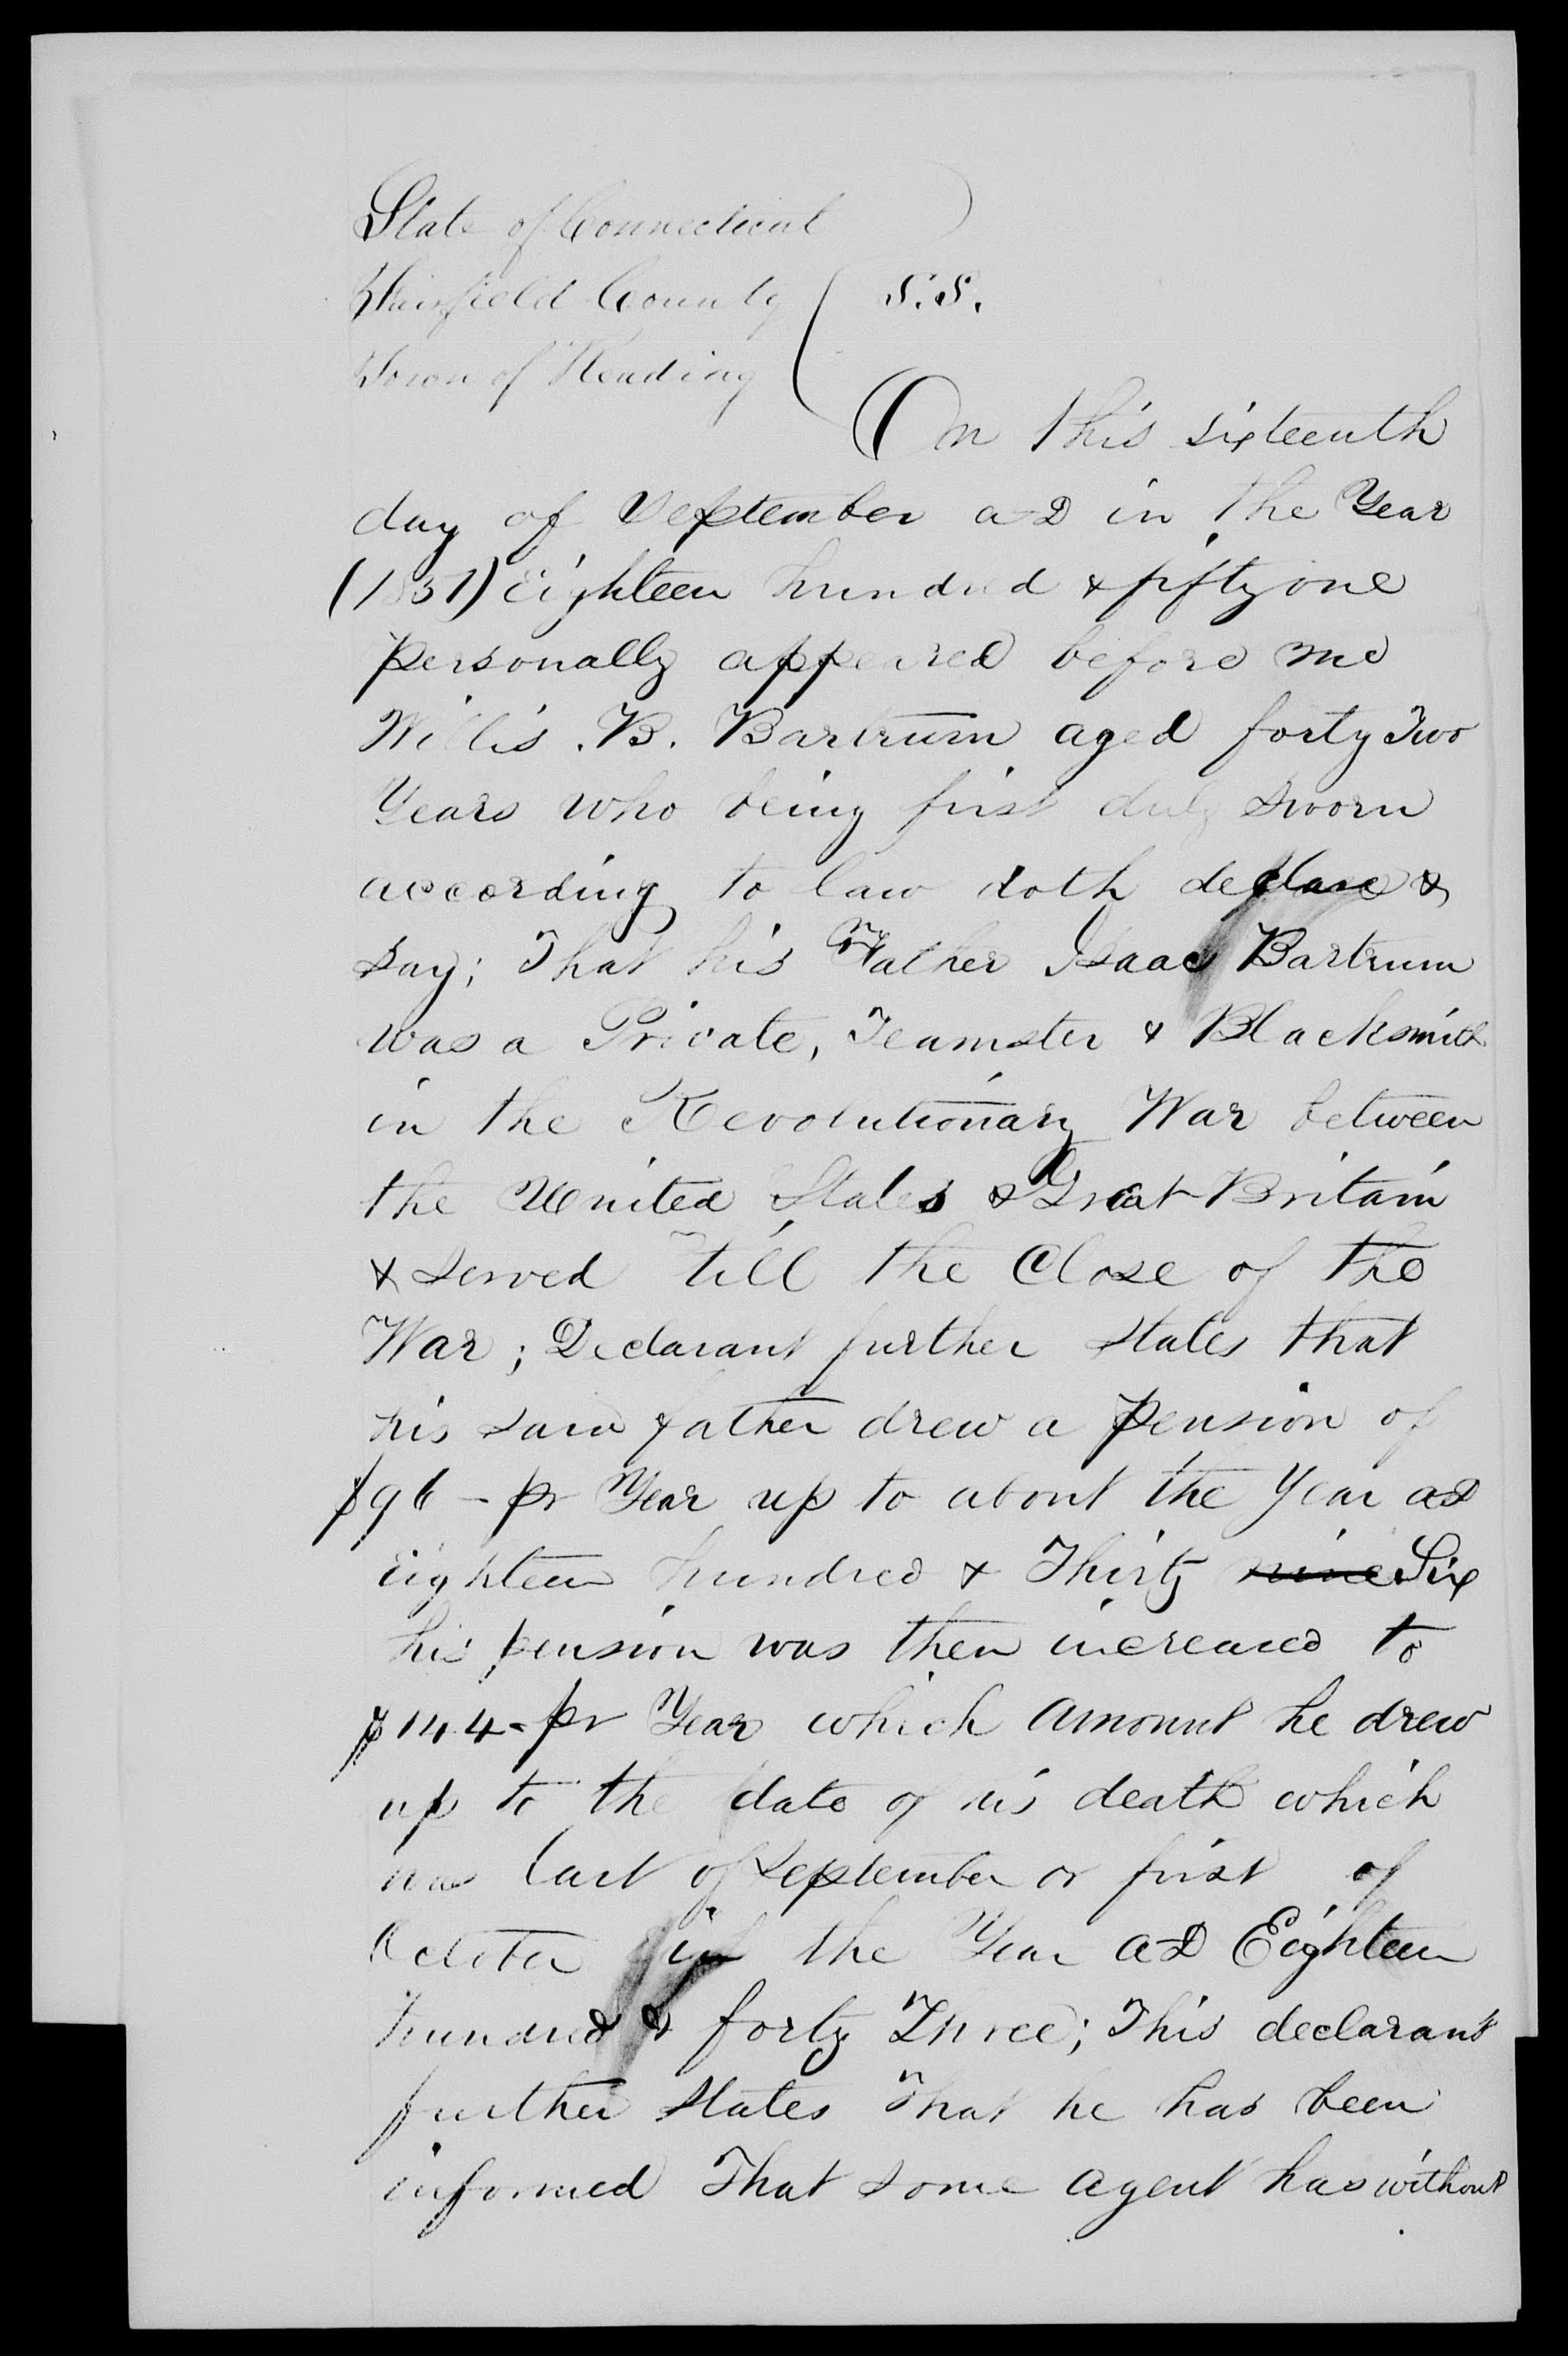State of Connecticut
Fairfield County S.S.
Town of Reading 
On this sixteenth
day of September AD in the year
(1851) Eighteen hundred & fifty one
personally appeared before me
Willis B. Bartrum aged forty Two
years who being first duly sworn
according to law doth declare &
say: That his Father Isaac Bartrum
was a Private, Teamster & Blacksmith
in the Revolutionary War between
the United States & Great Britain
& served till the close of the
War; Declarant further states that
his said father drew a pension of
$96 pr year up to about the year AD
Eighteen hundred & Thirty Six
his pension was then increased to
$144 pr year which amount he drew
up to the date of his death which
was last of September or first of
October in the year AD Eighteen
hundred & forty three; This declarant
further states that he has been
informed that some agent has without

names: Isaac Bartrum, Willis B Bartrum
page: 14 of 39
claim: survivor's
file: S. 12110, Isaac Bartram, Continental (Conn)